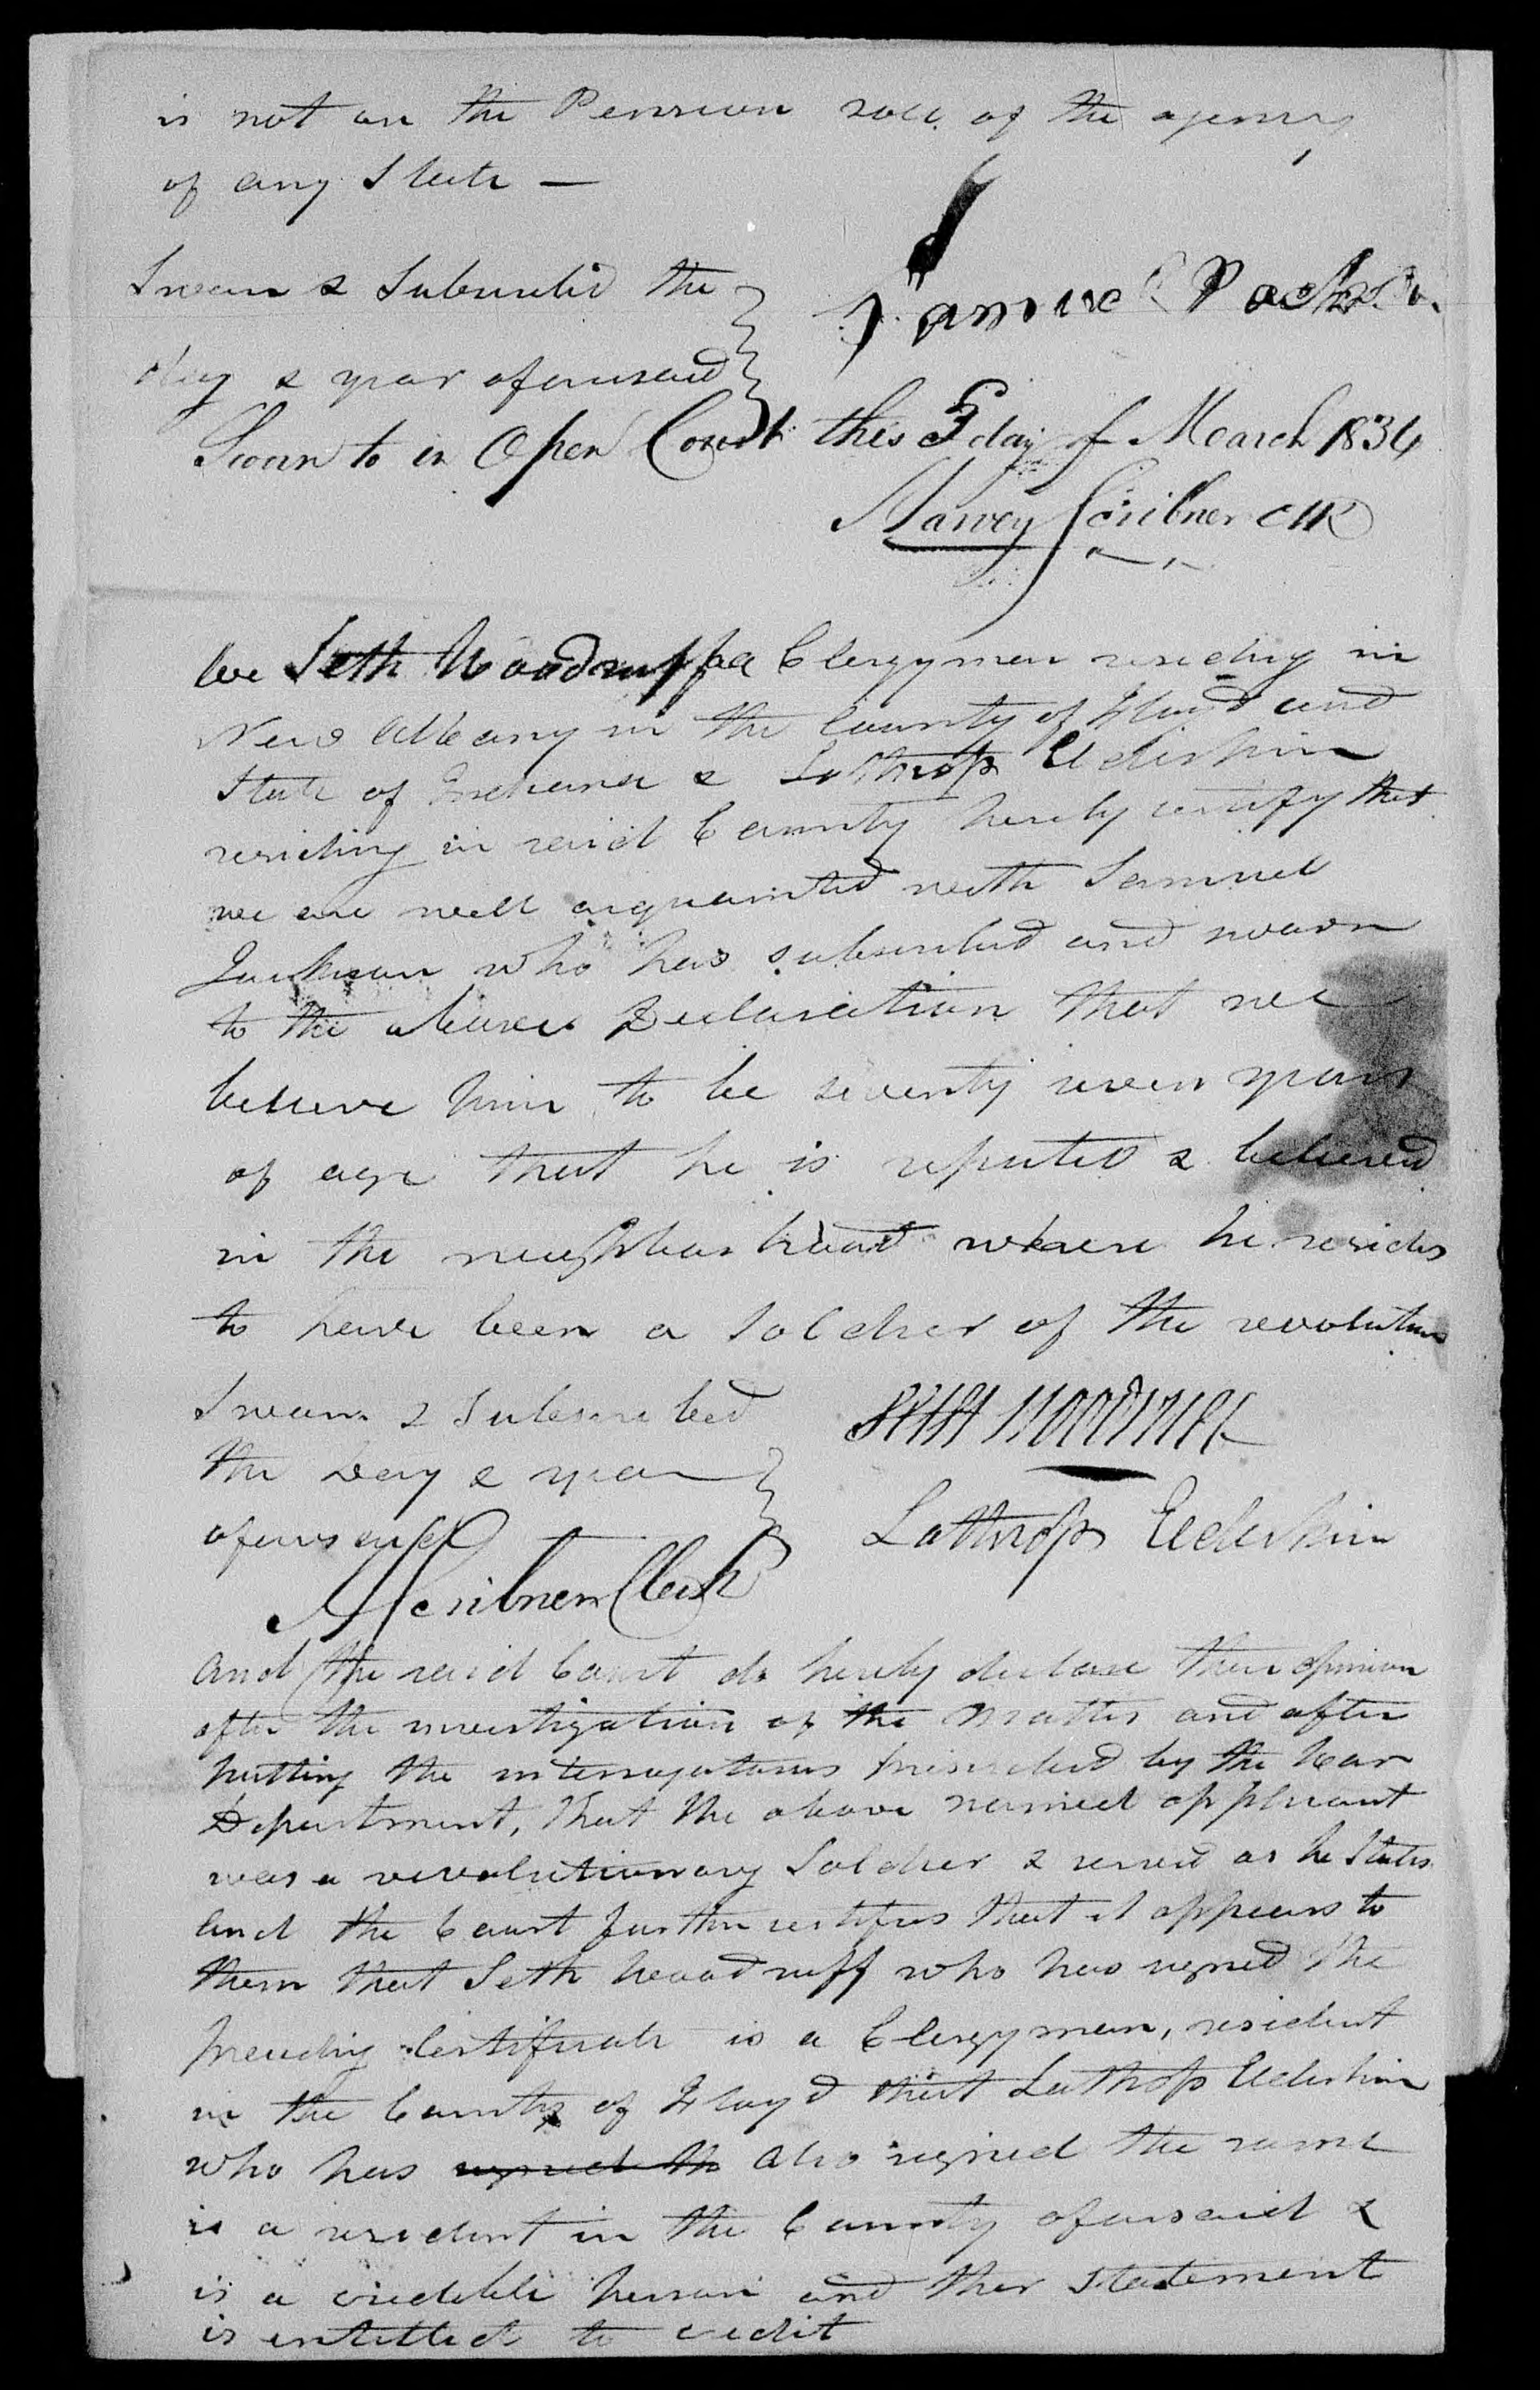is not on the Pension roll of the agency
of any State-
Samuel Jackson
Sworn & Subscribed the
day & year aforesaid
Sworn to in Open Court this 3 day of March 1834
Harvey Scribner Clk

We Seth Woodruff a Clergymen residing in
New Albany in the County of Floyd and
State of Indiana & Lothrop Elderkin
residing in said County hereby certify that
we are well acquainted with Samuel
Jackson who has subscribed and sworn
to the above Declaration that we
believe him to be seventy seven years
of age that he is reputed &
in the neighborhood where he resides
to have been a soldier of the revolution
Seth Woodruff
Lathrop Elderkin
Sworn & subscribed
the day & year
aforesaid
H Scribner Clerk

And the said Court do hereby declare their opinion
after the investigation of the matter and after
putting the interrogatories prescribed by the War
Department, that the above named applicant
was a revolutionary Soldier & served as he states
and the Court further certifies that it appears to
them that Seth Woodruff who has signed the
preceding certificate is a Clergyman, resident
in the County of Floyd that Lathrop Elderkin
who has also signed the same
is a resident in the County aforsaid &
is a credible person and the statement
is entitled to credit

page: 11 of 56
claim: rejected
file: R 5529, for Samuel Jackson, Virginia